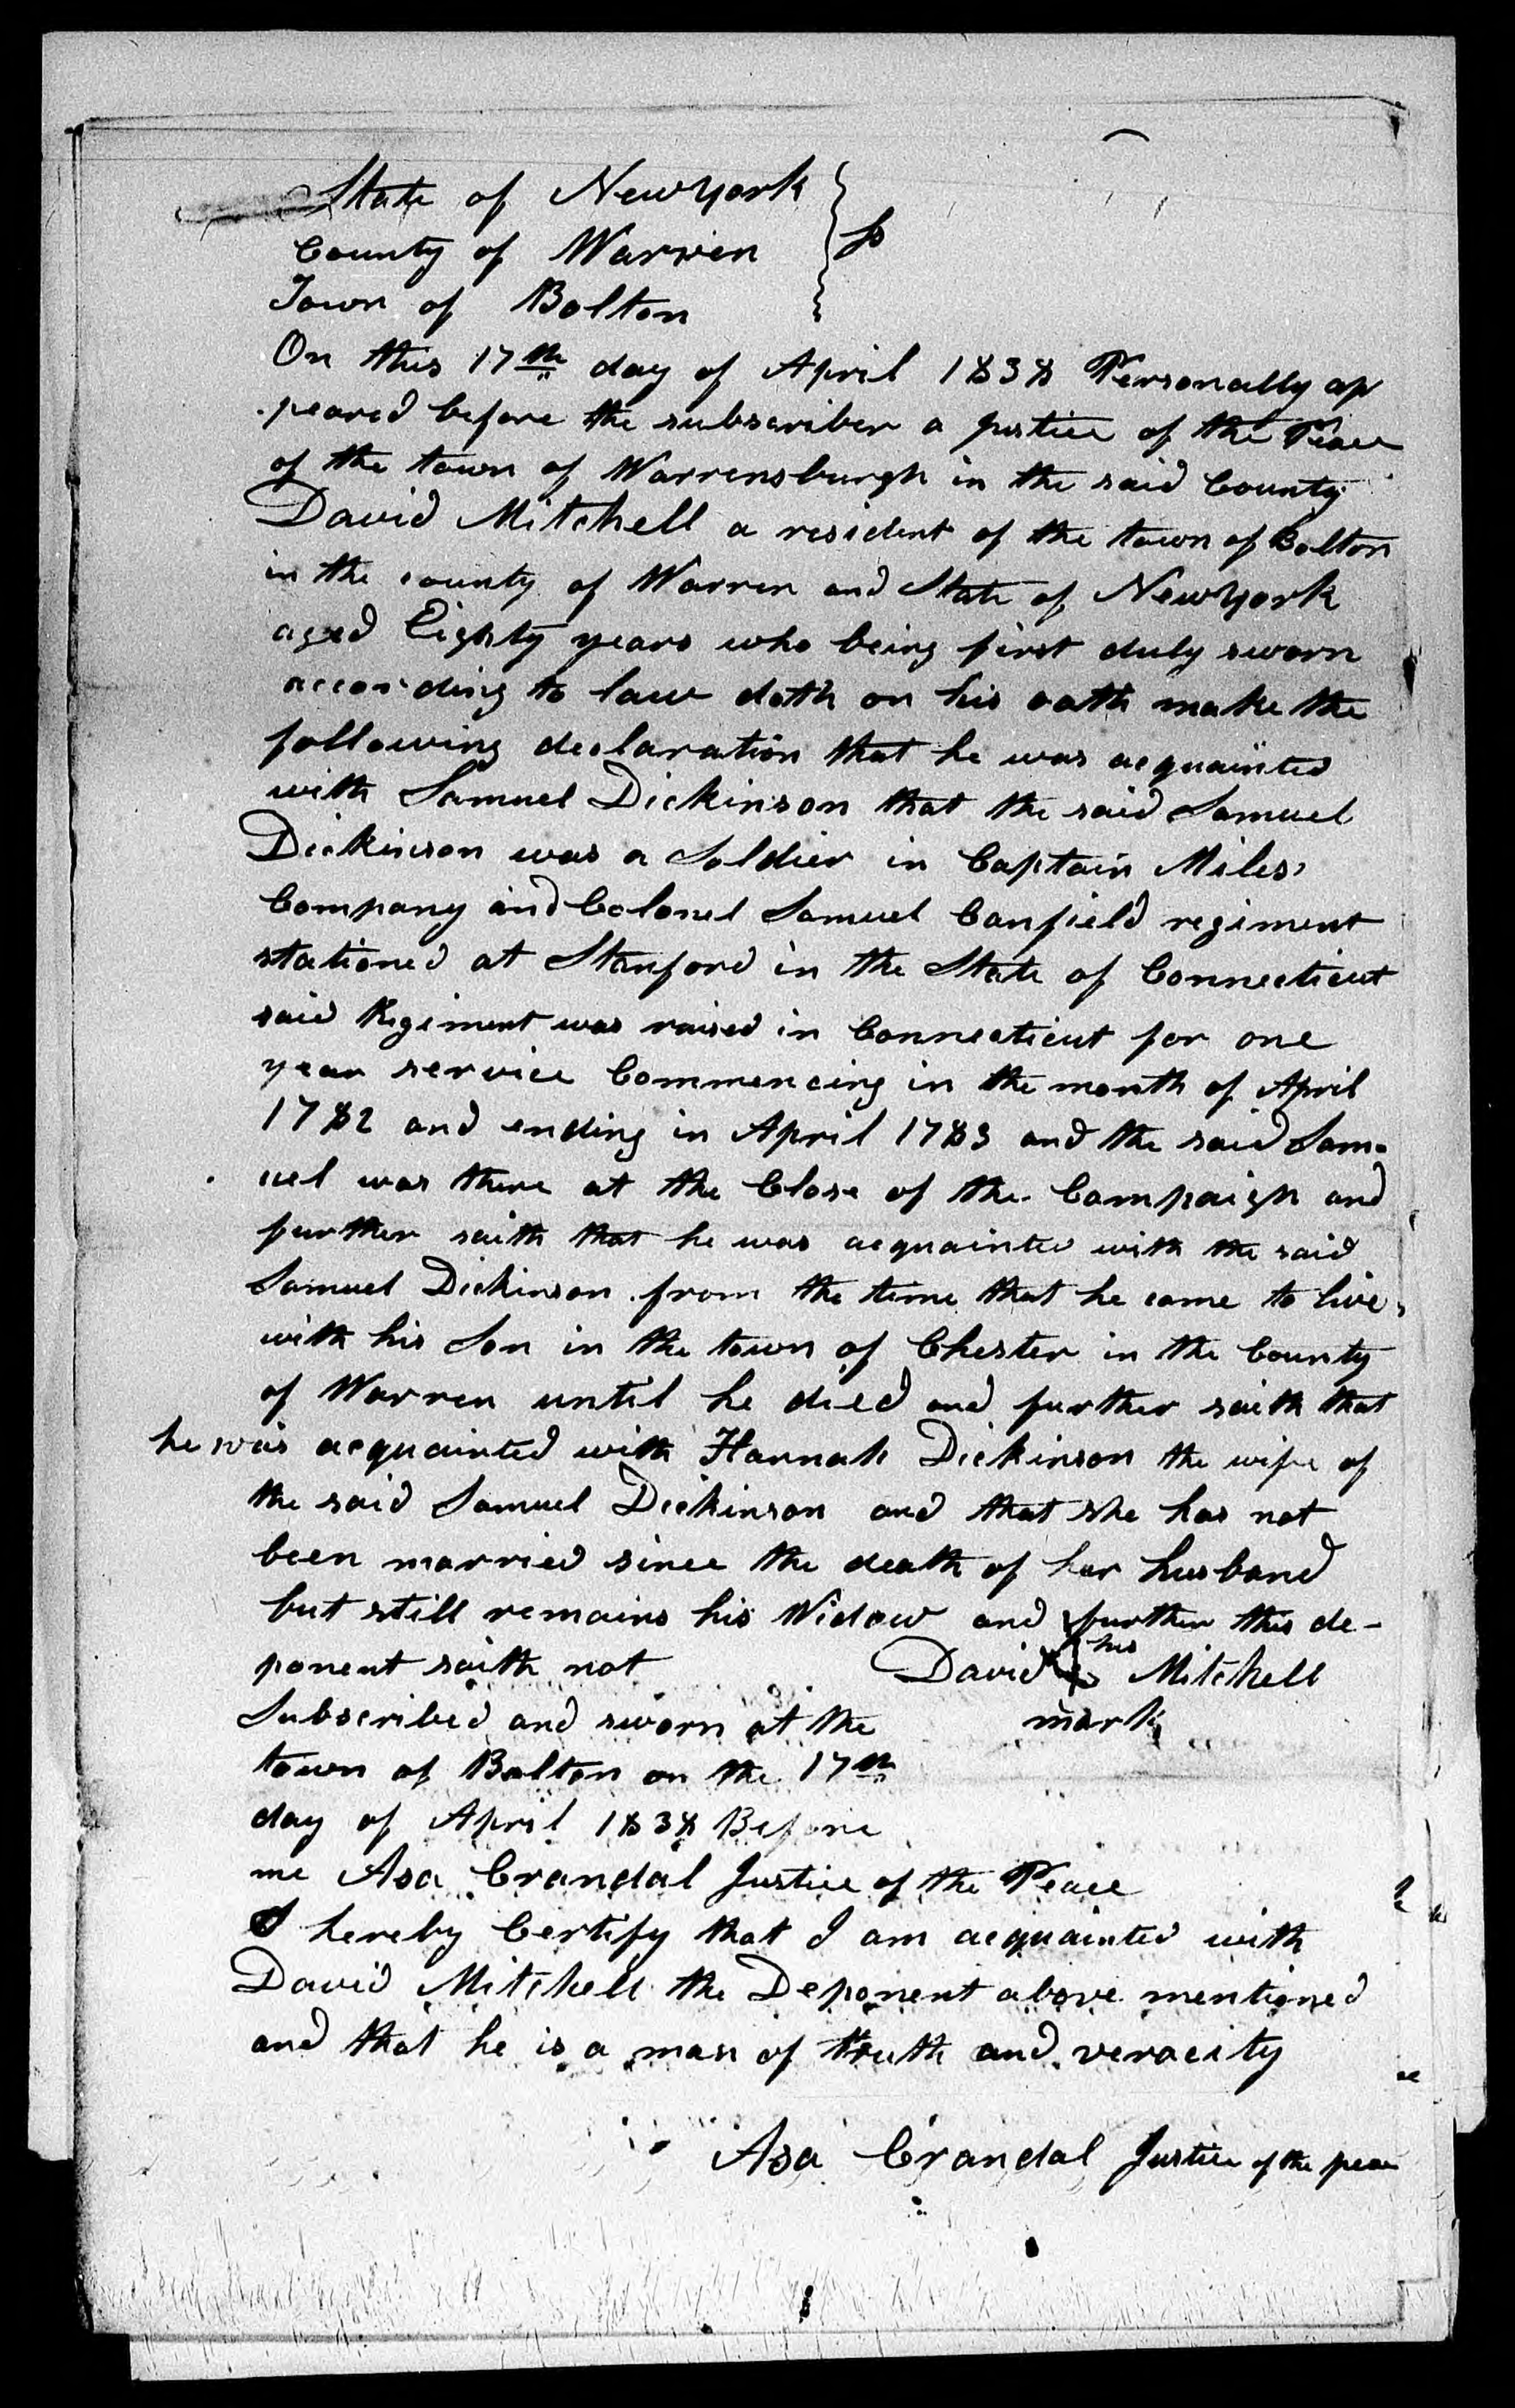State of New York
County of Warren
Town of Bolton
On this 17th day of April 1838 personally appeared before the subscriber a Justice of the Peace of the town of Warrensburgh in the said County David Mitchell a resident of the town of Bolton in the county of Warren and State of New York aged Eighty years who being first duly sworn according to law doth on his oath make the following declaration that he was acquainted with Samuel Dickinson that the said Samuel Dickinson was a soldier in Captain Miles' Conpany and Colonel Samuel Canfield regiment stationed at Stanford in the State of Connecticut said regiment was raised in Connecticut for one year service commencing in the month of April 1782 and ending in April 183 and the said Samuel was there at the close of the campaign and further saith that he was acquainted with the said  Samuel Dickinson from the time that he came to live with his on in the town of Chester in the county of Warren until he died and further saith that he was acquainted with Hannah Dickinson the wife of said Samuel Dickinson and that she has not been married since the death of her husband but still remains his widow and further this deponent saith not. David Mitchell X his mark
Subscribed an sworn at the town of Bolton on the 17th day of April 1838 before me Asa Crandal Justice of the Peace I hereby certify that I am acquainted with David Mitchell the deponent above mentioned and that he is a man of truth and veracity
Asa Crandal Justice of the Peace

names: Samuel Dickinson, David Mitchell, Samuel Dickinson, David Mitchell, Samuel Dickinson, Samuel, David Mitchell, Samuel Dickinson, Asa Crandal, Asa Crandal, Hannah Dickinson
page: 49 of 60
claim: widow's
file: W 16,955, Samuel Dickinson, Conn.